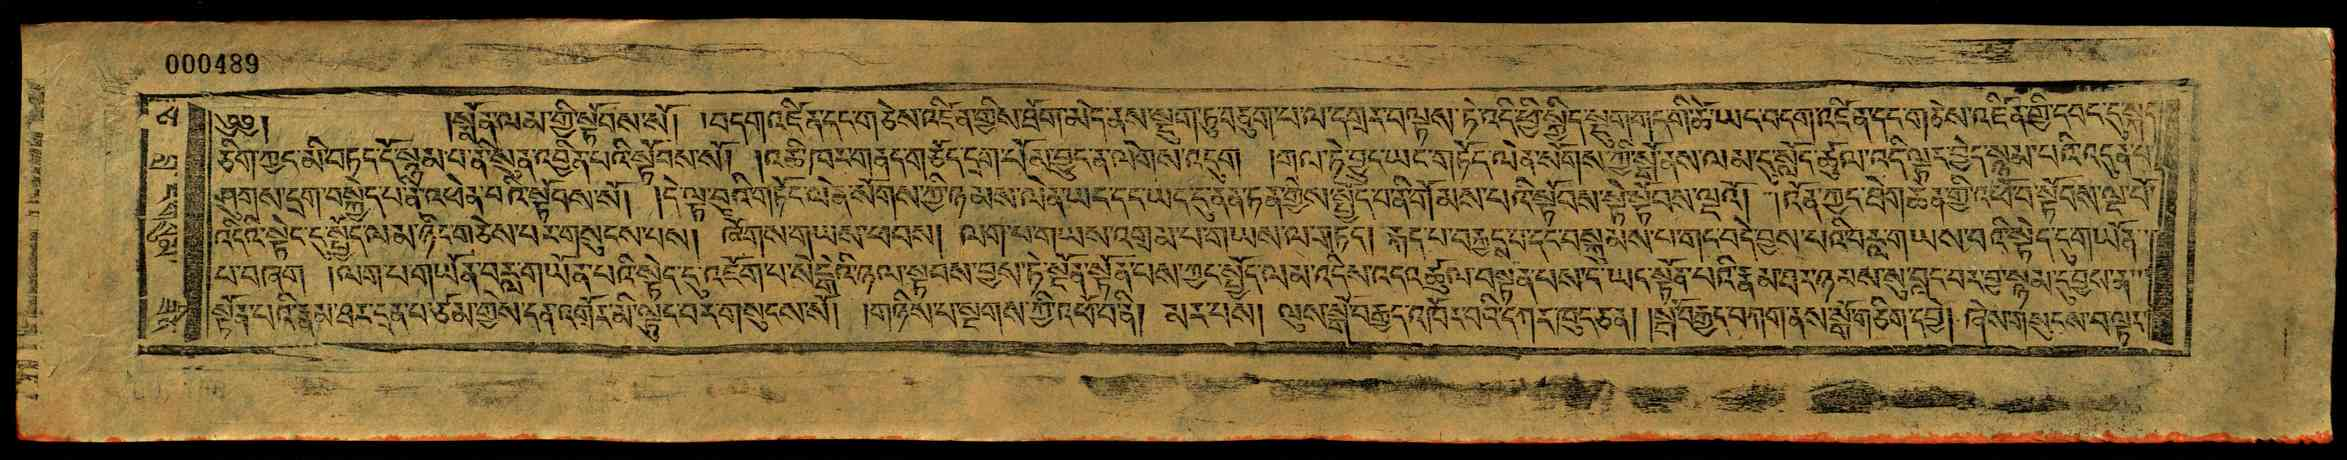༄༅། །སྨོན་ལམ་གྱི་སྟོབས་སོ། །བདག་འཛིན་དང་གཅེས་འཛིན་གྱིས་ཐོག་མེད་ནས་སྡུག་ཏུ་བཅུག་པ་ལ་དགྲར་བལྟས་ཏེ་འདི་ཕྱི་སྐྱིད་སྡུག་གང་གི་ཚེ་ཡང་བདག་འཛིན་དང་གཅེས་འཛིན་གྱི་དབང་དུ་སྐད་
ཅིག་ཀྱང་མི་བཏང་ངོ་སྙམ་པ་ནི་སུན་འབྱིན་པའི་སྟོབས་སོ། །འཆི་ཁར་གནད་གཅོད་དྲག་པོ་མ་བྱུང་ན་ལེགས་འདུག །གལ་ཏེ་བྱུང་ཡང་གཏོང་ལེན་སོགས་ཀྱི་སྒོ་ནས་ལམ་དུ་སློང་ཚུལ་འདི་ལྟར་བྱེད་སྙམ་པའི་འདུན་པ་
ཤུགས་དྲག་བསྐྱེད་པ་ནི་འཕེན་པའི་སྟོབས་སོ། །དེ་ལྟ་བུའི་གཏོང་ལེན་སོགས་ཀྱི་ཉམས་ལེན་ཡང་དང་ཡང་དུ་ནན་ཏན་གྱིས་སྤྱོད་པ་ནི་གོམས་པའི་སྟོབས་སྟེ་སྟོབས་ལྔའོ། །འོན་ཀྱང་ཐེག་ཆེན་གྱི་འཕོ་བ་སྟོབས་ལྔ་པོ་
འདིའི་སྟེང་དུ་སྤྱོད་ལམ་ཉིད་གཅེས་པར་གསུངས་པས། ཞོགས་གཡས་ཕབས། ལག་པ་གཡས་འགྲམ་པ་གཡས་ལ་གཏད། རྐང་པ་བརྐྱངས་པ་དང་བསྐུམས་པ་གང་བདེ་བྱས་པའི་བརླ་གཡས་པའི་སྟེང་དུ་གཡོན་
པ་བཞག །ལག་པ་གཡོན་བརླ་གཡོན་པའི་སྟེང་དུ་འཇོག་པ་སེངྒེའི་ཉལ་སྟབས་བྱས་ཏེ་སྔོན་སྟོན་པས་ཀྱང་སྤྱོད་ལམ་འདིས་འདའ་ཚུལ་བསྟན་པས་ང་ཡང་སྟོན་པའི་རྣམ་ཐར་ཉམས་སུ་བླང་བར་བྱ་སྙམ་དུ་བྱས་ན་
སྟོན་པའི་རྣམ་ཐར་དྲན་པ་ཙམ་གྱིས་ངན་འགྲོར་མི་ལྟུང་བར་གསུངས་སོ། །གཉིས་པ་སྔགས་ཀྱི་འཕོ་བ་ནི། མར་པས། ལུས་སྒོ་བརྒྱད་འཁོར་བའི་དཀར་ཁུང་ཅན། །སྒོ་བརྒྱད་བཀག་ནས་སྒོ་གཅིག་དབྱེ། ཞེས་གསུངས་པ་ལྟར་